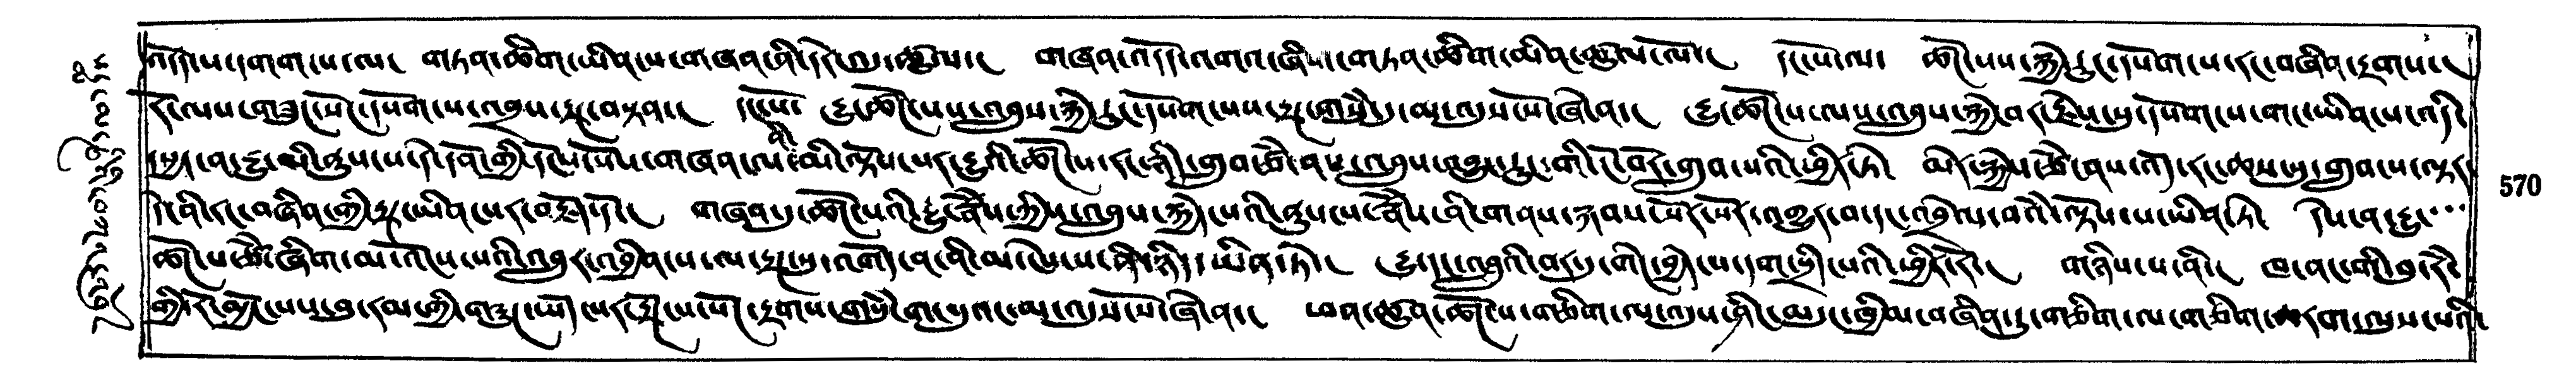འདོད་པ་དགག་པ་ལ། གཏན་ཚིགས་ཡིན་པ་གཞན་ནི་དེར་འདུ་ཚུལ། །གཞན་འདོད་འགའ་ཞིག་གཏན་ཚིགས་མིན་ཚུལ་ལོ། །དང་པོ་ལ། ཚོགས་པས་སྐྱེ་རུང་དཔོག་པ་རང་བཞིན་རྟགས། །
རོ་ལས་གཟུགས་སོགས་དཔོག་པ་འབྲས་རྟགས་བསྟན། །དང་པོ། རྒྱུ་ཚོགས་པས་འབྲས་བུ་སྐྱེ་རུང་དཔོག་པས་རྟགས་གསུམ་དུ་མ་འདུས་སོ་ཞེ་ན། རྒྱུ་ཚོགས་པ་ལས་འབྲས་བུ་སྐྱེ་བར་རྗེས་སུ་དཔོག་པ་གང་ཡིན་པ་འདི་
དཔྱད་ན་རྒྱུ་མི་ནུས་པ་དེ་དོན་གྱི་དངོས་པོ་གཞན་ལ་ནི་མི་ལྟོས་པར་རྒྱུའི་ཚོགས་པ་རང་ཉིད་གྲུབ་ཙམ་ནས་འབྲས་བུ་འབྱུང་རུང་གི་ངོ་བོར་གྲུབ་པའི་ཕྱིར་ཏེ། མེར་སྐྱེས་ཙམ་ནས་འོད་རང་ཆས་སུ་གྲུབ་པ་ལྟར་
དེ་ནི་རང་བཞིན་གྱི་རྟགས་ཡིན་པར་བརྗོད་དོ།། གཞན་དུ་ཚོགས་པའི་རྒྱུ་རྣམས་ཀྱིས་འབྲས་བུ་སྐྱེད་པའི་ནུས་པ་རྣམས་ནི་གནས་སྐབས་སོར་སོར་འགྱུར་བ་དང་འབྲེལ་བའམ་ལྟོས་པ་ཡིན་ཏེ། དེས་ན་རྒྱུ་
ཚོགས་པ་ཙམ་ཞིག་མ་འོངས་པའི་འབྲས་བུ་འབྱིན་པ་ལ་རྟགས་སུ་འགོད་ན་ནི་མ་ངེས་པ་ནི་ཉིད་ཡིན་ཏེ།རྒྱུ་དང་འབྲས་བུའི་བར་དུ་གེགས་བྱེད་པ་དག་སྲིད་པའི་ཕྱིར་རོ།། གཉིས་པ་ནི། ཁ་ནང་གི་བུ་རམ་
གྱི་རོ་མྱོང་པས་བུ་རམ་གྱི་གཟུགས་ཡོད་པར་རྟོགས་པ་སོགས་རྟགས་གསུམ་གང་དུའང་མ་འདུས་སོ་ཞེ་ན། ཕན་ཚུན་ཚོགས་པ་གཅིག་ལ་འདུས་ཤིང་མདུང་ཁྱིམ་བཞིན་དུ་གཅིག་ལ་གཅིག་རག་ལུས་པའི་